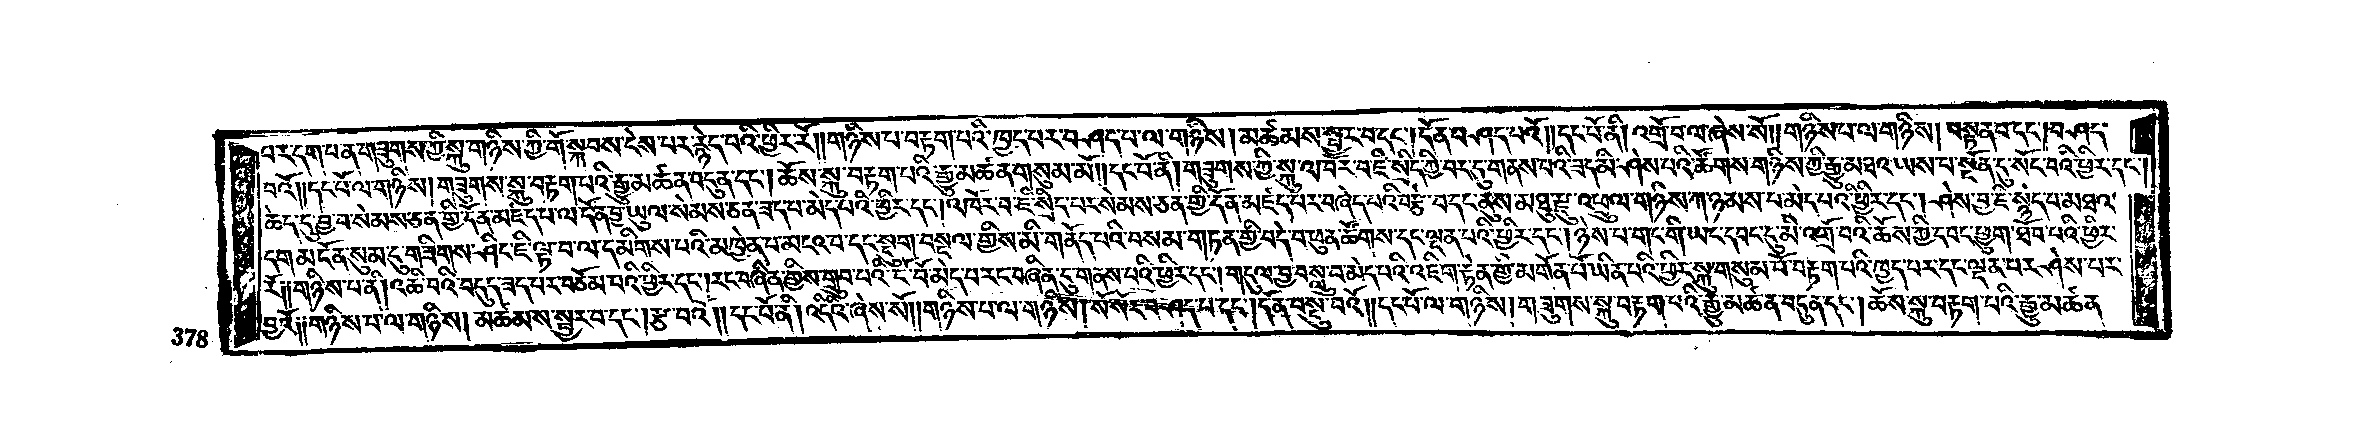པར་དག་པ་ན་གཟུགས་ཀྱི་སྐུ་གཉིས་ཀྱི་གོ་སྐབས་ངེས་པར་རྙེད་པའི་ཕྱིར་རོ། །གཉིས་པ་བརྟག་པའི་ཁྱད་པར་བཤད་པ་ལ་གཉིས། མཚམས་སྦྱར་བ་དང་། དོན་བཤད་པའོ། །དང་པོ་ནི། འགྲོ་བ་ལ་ཞེས་སོ། །གཉིས་པ་ལ་གཉིས། བསྟན་པ་དང་། བཤད་
ཆེད་དུ་བྱ་བ་སེམས་ཅན་གྱི་དོན་མཛད་པ་ལ་དོན་བྱ་ཡུལ་སེམས་ཅན་ཟད་པ་མེད་པའི་ཕྱིར་དང་། འཁོར་བ་ཇི་སྲིད་པར་སེམས་ཅན་གྱི་དོན་མཛད་པར་བཞེད་པའི་བརྩེ་བ་དང་ནུས་མཐུ་རྫུ་འཕྲུལ་གཉིས་ཀ་ཉམས་པ་མེད་པའི་ཕྱིར་དང་། ཤེས་བྱ་ཇི་སྙེད་པ་མཐའ་
དག་མངོན་སུམ་དུ་གཟིགས་ཤིང་ཇི་ལྟ་བ་ལ་དམིགས་པའི་མཁྱེན་པ་མངའ་བ་དང་སྡུག་བསྔལ་གྱིས་མི་གནོད་པའི་བསམ་གཏན་གྱི་བདེ་བ་ཕུན་ཚོགས་དང་ལྡན་པའི་ཕྱིར་དང་། ཉེས་པ་གང་གི་ཡང་དབང་དུ་མི་འགྲོ་བའི་ཆོས་ཀྱི་དབང་ཕྱུག་ཐོབ་པའི་ཕྱིར་
རོ༑ ༑གཉིས་པ་ནི། འཆི་བའི་བདུད་ཟད་པར་བཅོམ་པའི་ཕྱིར་དང་། རང་བཞིན་གྱིས་གྲུབ་པའི་ངོ་བོ་མེད་པ་རང་བཞིན་དུ་གནས་པའི་ཕྱིར་དང་། གདུལ་བྱ་བསླུ་བ་མེད་པའི་འཇིག་རྟེན་གྱི་མགོན་པོ་ཡིན་པའི་ཕྱིར་སྐུ་གསུམ་པོ་བརྟག་པའི་ཁྱད་པར་དང་ལྡན་པར་ཤེས་པར་
བྱའོ༑ ༑གཉིས་པ་ལ་གཉིས། མཚམས་སྦྱར་བ་དང་། རྩ་བའོ། །དང་པོ་ནི། འདིའི་ཞེས་སོ། །གཉིས་པ་ལ་གཉིས། སོ་སོར་བཤད་པ་དང་། དོན་བསྡུ་བའོ། །དང་པོ་ལ་གཉིས། གཟུགས་སྐུ་བརྟག་པའི་རྒྱུ་མཚན་བདུན་དང་། ཆོས་སྐུ་བརྟག་པའི་རྒྱུ་མཚན་